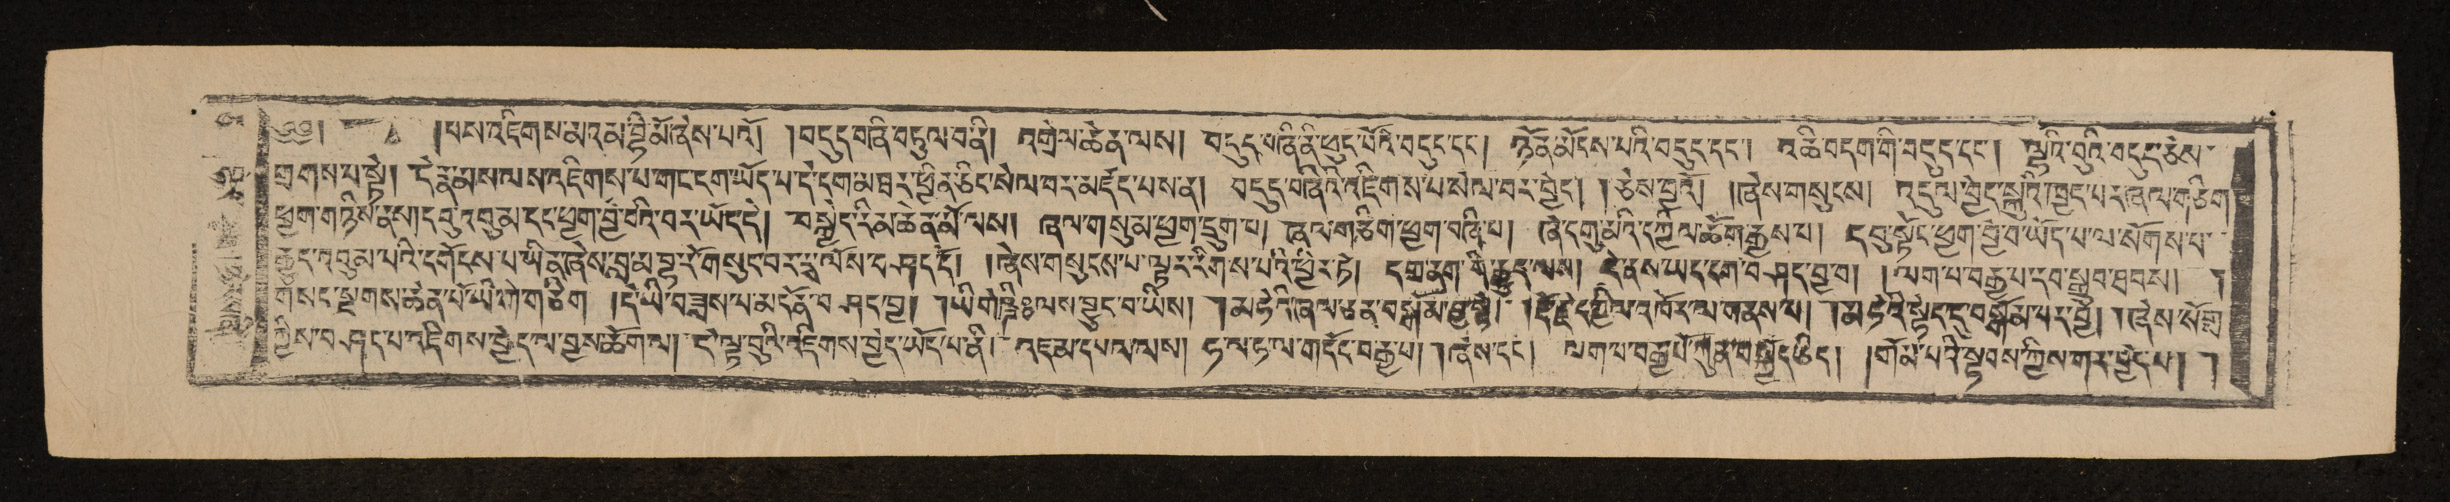༄༅། །པས་འཇིགས་མའམ་བྷི་མོ་ཞེས་པའོ། །བདུད་བཞི་བཏུལ་བ་ནི། འགྲེལ་ཆེན་ལས། བདུད་བཞི་ནི་ཕུང་པོའི་བདུད་དང་། ཉོན་མོངས་པའི་བདུད་དང་། འཆི་བདག་གི་བདུད་དང་། ལྷའི་བུའི་བདུད་ཅེས་
གྲགས་པ་སྟེ། དེ་རྣམས་ལས་འཇིགས་པ་གང་དག་ཡོད་པ་དེ་དག་མཐར་ཕྱིན་ཅིང་སེལ་བར་མཛད་པས་ན། བདུད་བཞིའི་འཇིགས་པ་སེལ་བར་བྱེད། །ཅེས་བྱའོ། །ཞེས་གསུངས། འདུལ་བྱེད་སྐུའི་ཁྱད་པར་ཞལ་གཅིག་
ཕྱག་གཉིས་ནས། དབུ་འབུམ་དང་ཕྱག་བྱེ་བའི་བར་ཡོད་དེ། བསྐྱེད་རིམ་ཆེན་མོ་ལས། ཞལ་གསུམ་ཕྱག་དྲུག་པ། ཞལ་གཅིག་ཕྱག་བཞི་པ། ཞེ་དགུ་མའི་དཀྱིལ་ཆོག་རྒྱས་པ། དབུ་སྟོང་ཕྱག་བྱེ་བ་ཡེད་པ་ལ་སོགས་པ་
རྒྱུད་འབུམ་པའི་དགོངས་པ་ཡིན་ཞེས་བླ་མ་བྷ་རོ་གསུང་བར་རྭ་ལོས་བཤད་དོ། །ཞེས་གསུངས་པ་ལྟར་རིགས་པའི་ཕྱིར་ཏེ། དགྲ་ནག་གི་རྒྱུད་ལས། དེ་ནས་ཡང་དག་བཤད་བྱ་བ། །ལག་པ་བརྒྱ་པ་རབ་སྒྲུབ་ཐབས། །
གསང་སྔགས་ཆེན་པོ་ཡི་གེ་གཅིག །དེ་ཡི་བཟླས་པ་མངོན་བཤད་བྱ། །ཡི་གེ་ཥྜིཿལས་བྱུང་བ་ཡིས། །མ་ཧེའི་ཞལ་ཅན་བསྒོམ་བྱ་སྟེ། །རྡོ་རྗེ་དཀྱིལ་འཁོར་ལ་གནས་པ། །མ་ཧེའི་སྟེང་དུ་བསྒོམ་པར་བྱ། །ཞེས་སོགས་
ཀྱིས་བཤད་པ་འཇིགས་བྱེད་ལ་བྱས་ཆོག་ལ། དེ་ལྟ་བུའི་འཇིགས་བྱེད་ཡོད་པ་ནི། འཇམ་དཔལ་ལས། ཧ་ལ་ཧ་ལ་གདོང་བརྒྱ་པ། །ཞེས་དང་། ལག་པ་བརྒྱ་པོ་ཀུན་བསྐྱོད་ཅིང་། །གོམ་པའི་སྟབས་ཀྱིས་གར་བྱེད་པ། །